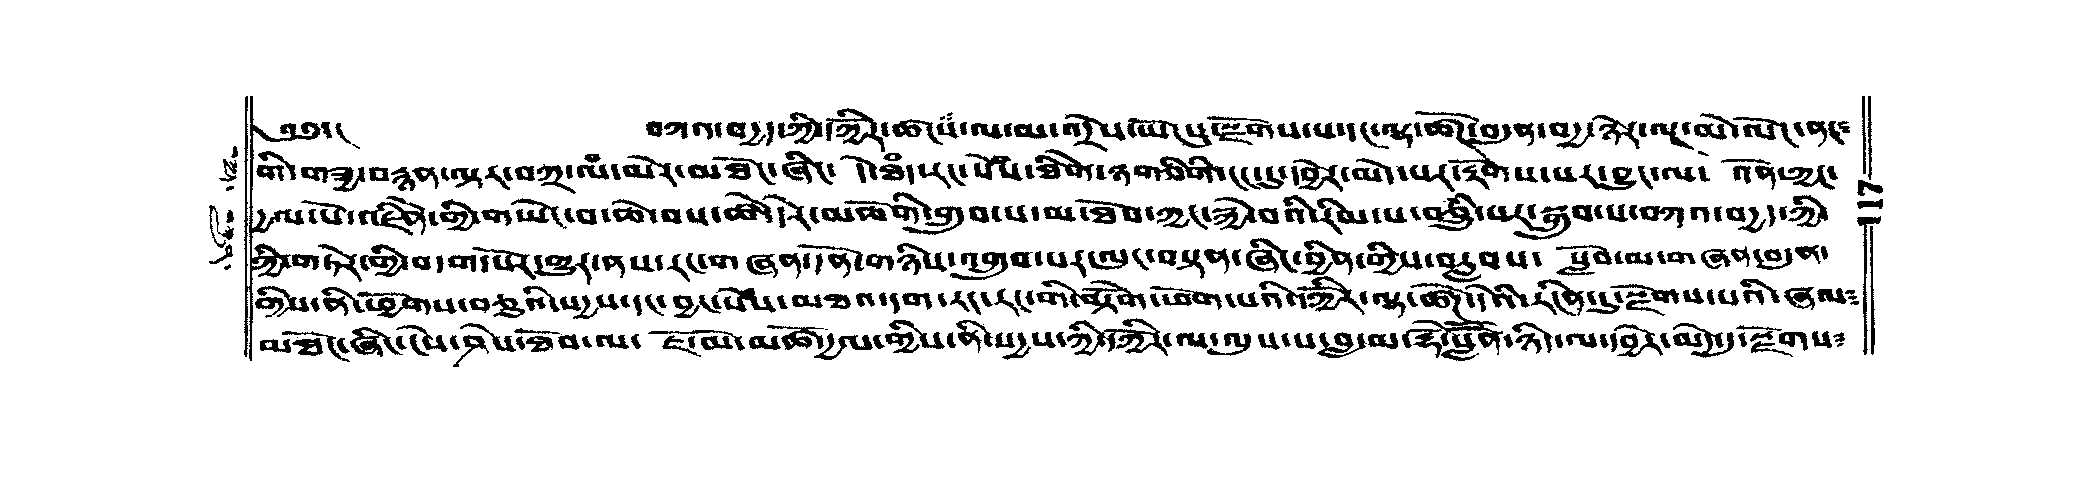བཀའ་བརྒྱད་ཀྱི་དཀྱིལ་འཁོར་ཚང་ལ་མ་འདྲེས་ཡོངས་སུ་རྫོགས་པ་དང་ལྷ་ཚོགས་བདུན་བརྒྱ་ཉེར་ལྔ་མེ་ལོང་ནང་
གི་གཟུགས་བརྙེན་ལྟར་བཀྲ་ལམ་མེར་མཐོང་ཞིང་། དེ་ཐམས་ཅད་རང་སེམས་ཐིག་ལེ་ཉག་གཅིག་ངང་དུ་དབྱེར་མེད་པར་རྟོགས་པར་བྱུང་ལ། འོན་ཀྱང་
རྒྱལ་པོ་འཇིག་རྟེན་གྱི་གཡེང་བ་ཆེ་བས་ཚེ་དེར་མཆོག་གི་གྲུབ་པ་མ་ཐོབ་ཀྱང་སྐྱེ་བའི་རིམ་པ་བཅུ་གསུམ་པར་སྒྲུབ་པ་བཀའ་བརྒྱད་
ཀྱི་གཏེར་གྱི་བདག་པོར་གྱུར་ནས་རང་གཞན་དོན་གཉིས་འགྲུབ་པར་ལུང་བསྟན་ཞིང་བྱིན་གྱིས་རླབས། སློབ་མ་གཞན་བདུན་
གྱིས་ནི་ཕྱོགས་བཅུའི་སངས་རྒྱས་དང་བྱང་སེམས་མཐའ་དག་རང་རང་གི་མེ་ཏོག་ཕོག་པའི་དཀྱིལ་འཁོར་ལྷ་ཚོགས་དེའི་རང་བཞིན་དུ་རྫོགས་པའི་ཞལ་
མཐོང་ཞིང་ངེས་ཤེས་ཐོབ་ལ། ཇོ་མོ་མཚོ་རྒྱལ་གྱིས་ནི་སངས་རྒྱས་ཀྱི་དཀྱིལ་འཁོར་མ་ལུས་པ་བླ་མ་རྡོ་རྗེ་སློབ་དཔོན་ཉིད་ལ་དབྱེར་མེད་དུ་རྫོགས་